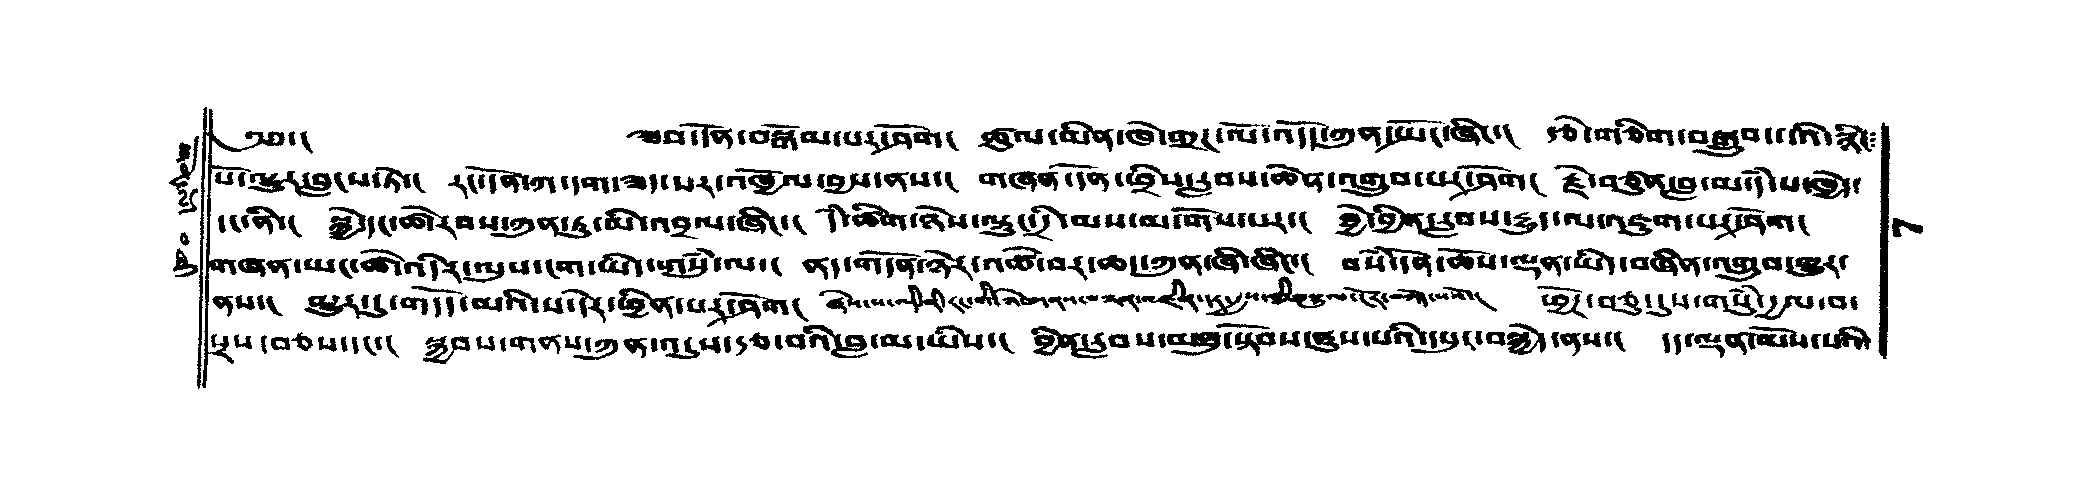ཟབ་དོན་བསྒོམ་པར་ཤོག །ཚུལ་མིན་ཁེ་གྲགས་ལོ་འདོད་ཀུན་སྤོང་ཞིང་། །རྩེ་གཅིག་བསྒྲུབ་པའི་སྙིང་
པོ་ལྷུར་བླངས་ཏེ། །རང་དོན་ཀ་དག་ཟད་སར་འཁྱོལ་བྱས་ནས། །གཞན་དོན་ཕྲིན་ལས་རླབས་ཆེན་འགྲུབ་པར་ཤོག །རྗེ་བཙུན་བླ་མ་དམ་པ་ཁྱེད་
དང་ནི། །སྐྱེ་དང་ཚེ་རབས་ཀུན་ཏུ་མི་འབྲལ་ཞིང་། །དམ་ཚིག་ཉེས་ལྟུང་དྲི་མས་མ་གོས་པར། །ཐུགས་རྗེ་བྱིན་རླབས་རྒྱུད་ལ་འཇུག་པར་ཤོག །
གཞན་ཡང་ཚེ་འདིར་ལུས་ངག་ཡིད་གསུམ་ལ། །ནད་གདོན་ཉེར་འཚེ་བར་ཆད་ཀུན་ཞི་ཞིང་། །བསམ་དོན་ཆོས་ལྡན་ཡིད་བཞིན་འགྲུབ་གྱུར་
ནས། །མྱུར་དུ་གདོད་མའི་ས་དེར་ཕྱིན་པར་ཤོག ཅེས་པ་འདི་ནི་རང་གི་ཉེ་གནས་བསྟན་འཛིན་དར་རྒྱས་ཀྱི་བསྐུལ་ངོར་བཀོད་པའོ།། ཕྱོགས་བཅུ་དུས་གསུམ་རྒྱལ་བ་
སྲས་བཅས་དང་། །སྐྱབས་གནས་ཀུན་འདུས་རྩ་བའི་བླ་མ་ཡིས། །བྱིན་རླབས་མཐུ་སྟོབས་ནུས་པའི་དཔུང་བསྐྱེད་ནས་། །དད་ལྡན་མོས་པའི་